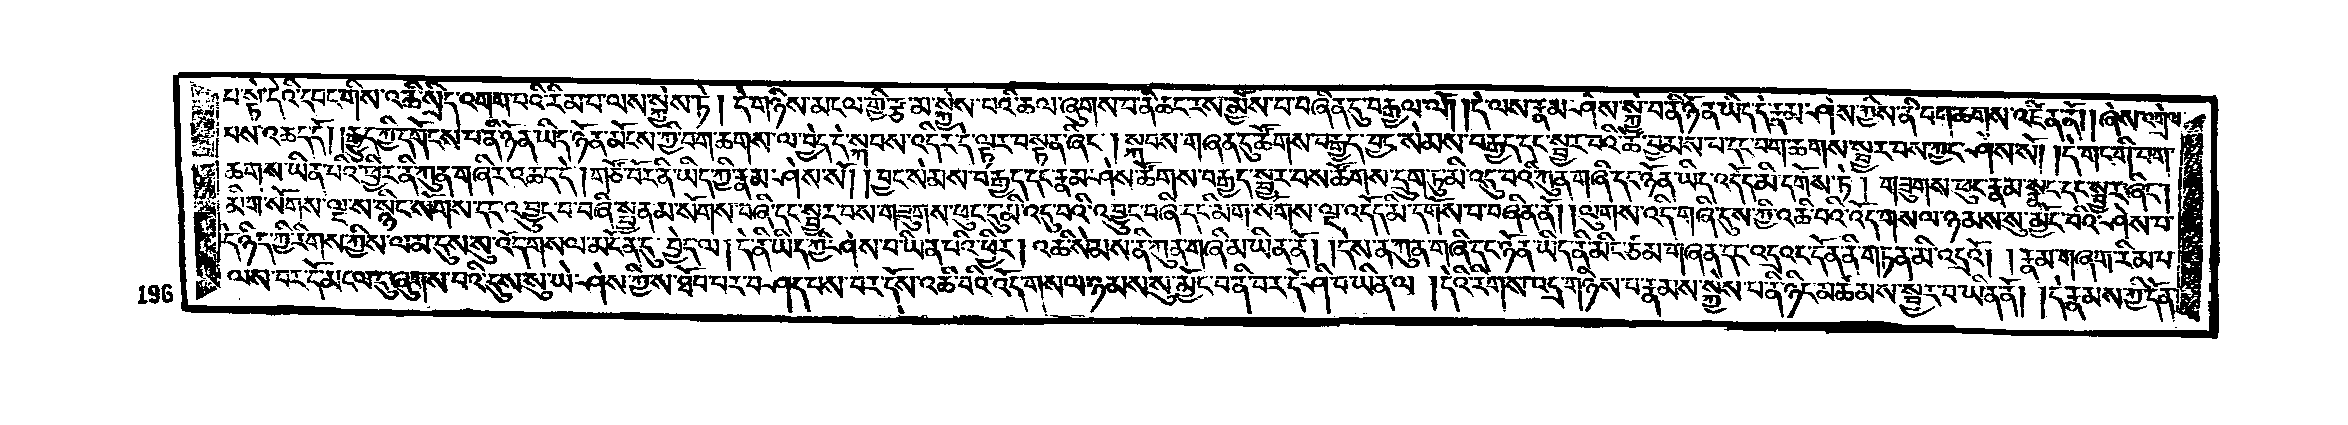པ་སྟེ་དེའི་དབང་གིས་འཆི་སྲིད་འགག་པའི་རིམ་པ་ལས་སྐྱེས་ཏེ། དེ་གཉིས་མངལ་གྱི་རྩ་མ་སྐྱེས་པའི་ཆལ་ཞུགས་པ་ནི་ཆང་རས་མྱོས་པ་བཞིན་དུ་བརྒྱལ་ལོ། །དེ་ལས་རྣམ་ཤེས་སྐྱེ་བ་ནི་ཉོན་ཡིད་དེ་རྣམ་ཤེས་ཀྱིས་ནི་བག་ཆགས་འཛིན་ནོ། །ཞེས་འགྲེལ་
པས་འཆད་དོ། །རྒྱུད་ཀྱི་དགོངས་པ་ནི་ཉོན་ཡིད་ཉོན་མོངས་ཀྱི་བག་ཆགས་ལ་བྱེད་དེ་སྐབས་འདིར་དེ་ལྟར་བསྟན་ཞིང་། སྐབས་གཞན་དུ་ཚོགས་བརྒྱད་བྱང་སེམས་བརྒྱད་དང་སྦྱར་བའི་ཚེ་བྱམས་པ་དང་བག་ཆགས་སྦྱར་བས་ཀྱང་ཤེས་སོ། །དེ་གང་གི་བག་
ཆགས་ཡིན་པའི་ཕྱིར་ནི་ཀུན་གཞིར་འཆད་དེ། གཙོ་བོར་ནི་ཡིད་ཀྱི་རྣམ་ཤེས་སོ། །བྱང་སེམས་བརྒྱད་དང་རྣམ་ཤེས་ཚོགས་བརྒྱད་སྦྱར་བས་ཚོགས་དྲུག་ཏུ་མི་འདུ་བའི་ཀུན་གཞི་དང་ཉོན་ཡིད་འདོད་མི་དགོས་ཏེ། གཟུགས་ཕུང་རྣམ་སྣང་དང་སྦྱར་ཞིང་།
མིག་སོགས་ལྔ་ས་སྙིང་སོགས་དང་འབྱུང་བ་བཞི་སྤྱན་མ་སོགས་བཞི་དང་སྦྱར་བས་གཟུགས་ཕུང་དུ་མི་འདུ་བའི་འབྱུང་བཞི་དང་མིག་སོགས་ལྔ་འདོད་མི་དགོས་པ་བཞིན་ནོ། །ལུགས་འདི་གཞི་དུས་ཀྱི་འཆི་བའི་འོད་གསལ་ཉམས་སུ་མྱོང་བའི་ཤེས་པ་
དེ་ཉིད་ཀྱི་རིགས་ཀྱིས་ལམ་དུས་སུ་འོད་གསལ་མངོན་དུ་བྱེད་ལ། དེ་ནི་ཡིད་ཀྱི་ཤེས་པ་ཡིན་པའི་ཕྱིར། འཆི་སེམས་ནི་ཀུན་གཞི་མ་ཡིན་ནོ། །དེས་ན་ཀུན་གཞི་དང་ཉོན་ཡིད་ནི་མིང་ཙམ་གཞན་དང་འདྲའང་དོན་ནི་གཏན་མི་འདྲའོ། །རྣམ་གཞག་རིམ་པ་
ལས་བར་དོ་མངལ་དུ་ཞུགས་པའི་དུས་སུ་ཡེ་ཤེས་ཀྱི་ས་ཐོབ་པར་བཤད་པས་བར་དོས་འཆི་བའི་འོད་གསལ་ཉམས་སུ་མྱོང་བ་ནི་བར་དོ་ཤི་བ་ཡིན་ལ། དེའི་རིགས་འདྲ་གཉིས་པ་རྣམས་སྐྱེས་པ་ནི་ཉིང་མཚམས་སྦྱར་བ་ཡིན་ནོ། །དེ་རྣམས་ཀྱི་དོན་